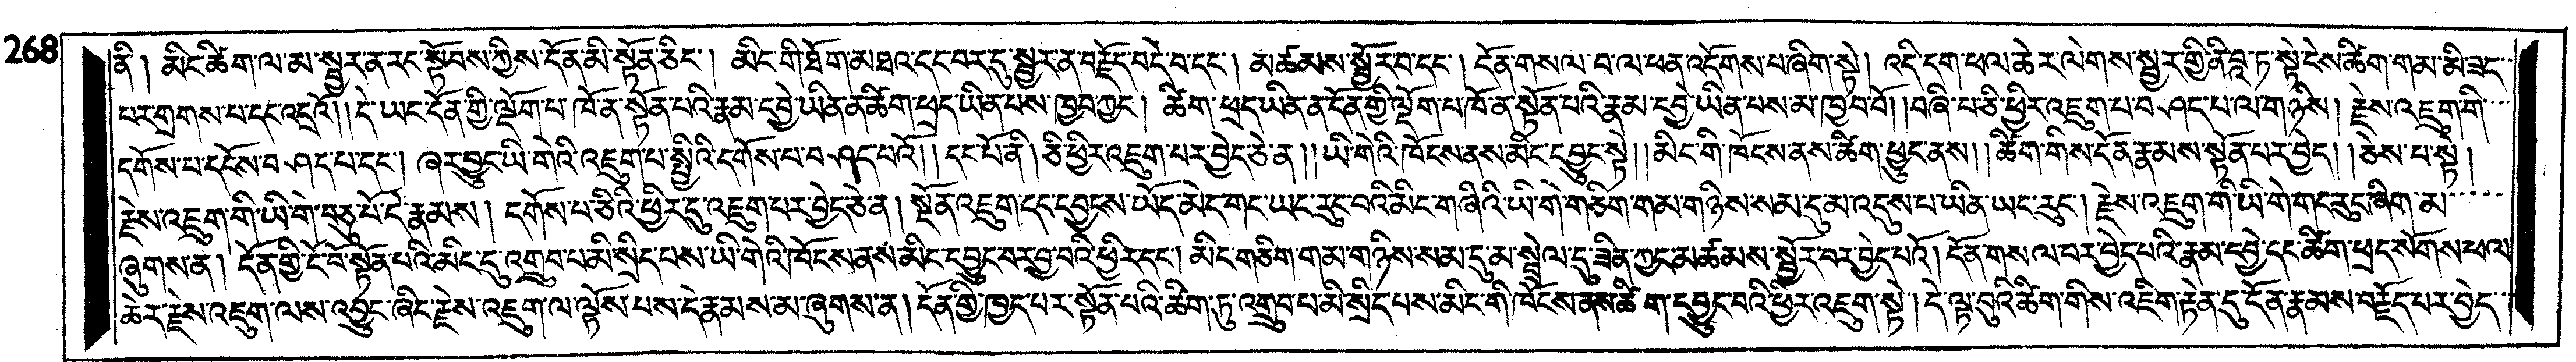ནི། མིང་ཚིག་ལ་མ་སྦྱར་ན་རང་སྟོབས་ཀྱིས་དོན་མི་སྟོན་ཅིང་། མིང་གི་ཐོག་མཐའ་དང་བར་དུ་སྦྱར་ན་བརྗོད་བདེ་བ་དང་། མཚམས་སྦྱོར་བ་དང་། དོན་གསལ་བ་ལ་ཕན་འདོགས་པ་ཞིག་སྟེ། འདི་དག་ཕལ་ཆེར་ལེགས་སྦྱར་གྱི་ནིབཱ་ཏ་སྟེ་ངེས་ཚིག་གམ་མི་ཟད་
པར་གྲགས་པ་དང་འདྲའོ། །དེ་ཡང་དོན་གྱི་ལྡོག་པ་ཁོ་ན་སྟོན་པའི་རྣམ་དབྱེ་ཡིན་ན་ཚིག་ཕྲད་ཡིན་པས་ཁྱབ་ཀྱང་། ཚིག་ཕྲད་ཡིན་ན་དོན་གྱི་ལྡོག་པ་ཁོ་ན་སྟོན་པའི་རྣམ་དབྱེ་ཡིན་པས་མ་ཁྱབ་བོ། །བཞི་པ་ཅི་ཕྱིར་འཇུག་པ་བཤད་པ་ལ་གཉིས། རྗེས་འཇུག་གི་
དགོས་པ་དངོས་བཤད་པ་དང་། ཞར་བྱུང་ཡི་གེའི་འཇུག་པ་སྤྱིའི་དགོས་པ་བཤད་པའོ། །དང་པོ་ནི། ཅི་ཕྱིར་འཇུག་པར་བྱེད་ཅེ་ན། །ཡི་གེའི་ཁོངས་ནས་མིང་དབྱུང་སྟེ། །མིང་གི་ཁོངས་ནས་ཚིག་ཕྱུང་ནས། །ཚིག་གིས་དོན་རྣམས་སྟོན་པར་བྱེད། །ཅེས་པ་སྟེ།
རྗེས་འཇུག་གི་ཡི་གེ་བཅུ་པོ་དེ་རྣམས། དགོས་པ་ཅིའི་ཕྱིར་དུ་འཇུག་པར་བྱེད་ཅེ་ན། སྔོན་འཇུག་དང་དབྱངས་ཡོད་མེད་གང་ཡང་རུང་བའི་མིང་གཞིའི་ཡི་གེ་གཅིག་གམ་གཉིས་སམ་དུ་མ་འདུས་པ་ཡིན་ཡང་རུང་། རྗེས་འཇུག་གི་ཡི་གེ་གང་རུང་ཞིག་མ་
ཞུགས་ན། དོན་གྱི་ངོ་བོ་སྟོན་པའི་མིང་དུ་འགྲུབ་པ་མི་སྲིད་པས་ཡི་གེའི་ཁོངས་ནས་མིང་དབྱུང་བར་བྱ་བའི་ཕྱིར་དང་། མིང་གཅིག་གམ་གཉིས་སམ་དུ་མ་སྦྲེལ་དུ་ཟིན་ཀྱང་མཚམས་སྦྱོར་བར་བྱེད་པའོ། །དོན་གསལ་བར་བྱེད་པའི་རྣམ་དབྱེ་དང་ཚིག་ཕྲད་སོགས་ཕལ་
ཆེར་རྗེས་འཇུག་ལས་འབྱུང་ཞིང་རྗེས་འཇུག་ལ་ལྟོས་པས་དེ་རྣམ་སམ་ཞུགས་ན། དོན་གྱི་ཁྱད་པར་སྟོན་པའི་ཚིག་ཏུ་འགྲུབ་པ་མི་སྲིད་པས་མིང་གི་ཁོངས་ནས་ཚིག་དབྱུང་བའི་ཕྱིར་འཇུག་སྟེ། དེ་ལྟ་བུའི་ཚིག་གིས་འཇིག་རྟེན་དུ་དོན་རྣམས་བརྗོད་པར་བྱེད་